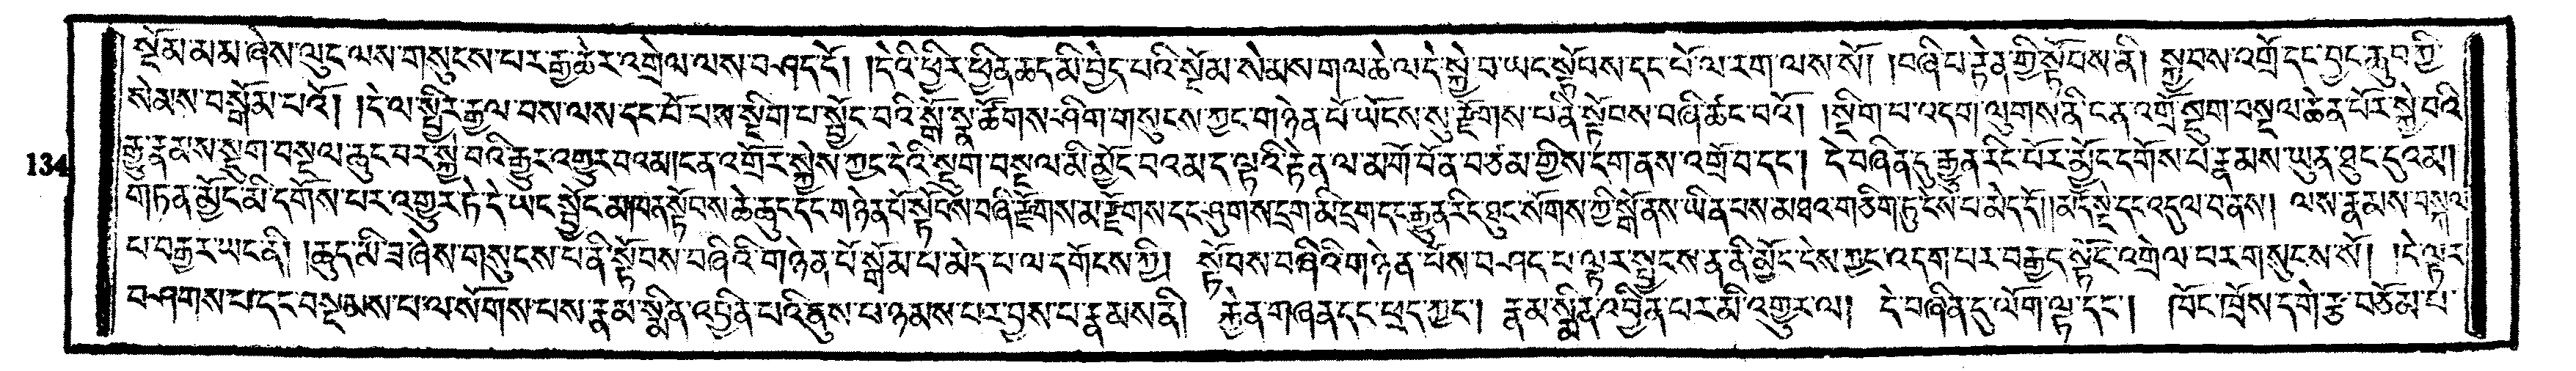སྡོམ་མ་མ་ཞེས་ལུང་ལས་གསུངས་པར་རྒྱ་ཆེར་འགྲེལ་ལས་བཤད་དོ། །དེའི་ཕྱིར་ཕྱིན་ཆད་མི་བྱེད་པའི་སྔོམ་སེམས་གལ་ཆེ་ལ་དེ་སྐྱེ་བ་ཡང་སྟོབས་དང་པོ་ལ་རག་ལས་སོ། །བཞི་པ་རྟེན་གྱི་སྟོབས་ནི། སྐྱབས་འགྲོ་དང་བྱང་ཆུབ་ཀྱི་
སེམས་བསྒོམ་པའོ། །དེ་ལ་སྤྱིར་རྒྱལ་བས་ལས་དང་པོ་པས་སྡིག་པ་སྦྱོང་བའི་སྒོ་སྣ་ཚོགས་ཤིག་གསུངས་ཀྱང་གཉེན་པོ་ཡོངས་སུ་རྫོགས་པ་ནི་སྟོབས་བཞི་ཚང་བའོ། །སྡིག་པ་འདག་ལུགས་ནི་ངན་འགྲོ་སྡུག་བསྔལ་ཆེན་པོར་སྐྱེ་བའི་
རྒྱུ་རྣམས་སྡུག་བསྔལ་ཆུང་བར་སྐྱེ་བའི་རྒྱུར་འགྱུར་བའམ། ངན་འགྲོར་སྐྱེས་ཀྱང་དེའི་སྡུག་བསྔལ་མི་མྱོང་བའམ་ད་ལྟའི་རྟེན་ལ་མགོ་བོ་ན་བ་ཙམ་གྱིས་དག་ནས་འགྲོ་བ་དང་། དེ་བཞིན་དུ་རྒྱུན་རིང་པོར་མྱོང་དགོས་པ་རྣམས་ཡུན་ཐུང་དུའམ།
གཏན་མྱོང་མི་དགོས་པར་འགྱུར་ཏེ་དེ་ཡང་སྦྱོང་མཁན་སྟོབས་ཆེ་ཆུང་དང་གཉེན་པོ་སྟོབས་བཞི་རྫོགས་མ་རྫོགས་དང་ཤུགས་དྲག་མི་དྲག་དང་རྒྱུན་རིང་ཐུང་སོགས་ཀྱི་སྒོ་ནས་ཡིན་པས་མཐའ་གཅིག་ཏུ་ངེས་པ་མེད་དོ། །མདོ་སྡེ་དང་འདུལ་བ་ནས། ལས་རྣམས་བསྐལ་
པ་བརྒྱར་ཡང་ནི། །ཆུད་མི་ཟ་ཞེས་གསུངས་པ་ནི་སྟོབས་བཞིའི་གཉེན་པོ་སྒོམ་པ་མེད་པ་ལ་དགོངས་ཀྱི། སྟོབས་བཞིའི་གཉེན་པོས་བཤད་པ་ལྟར་སྦྱངས་ན་ནི་མྱོང་ངེས་ཀྱང་འདག་པར་བརྒྱད་སྟོང་འགྲེལ་པར་གསུངས་སོ། །དེ་ལྟར་
བཤགས་པ་དང་བསྔམས་པ་ལ་སོགས་པས་རྣམ་སྨིན་འབྱིན་པའི་ནུས་པ་ཉམས་པར་བྱས་པ་རྣམས་ནི། རྐྱེན་གཞན་དང་ཕྲད་ཀྱང་། རྣམ་སྨིན་འབྱིན་པར་མི་འགྱུར་ལ། དེ་བཞིན་དུ་ལོག་ལྟ་དང་། ཁོང་ཁྲོས་དགེ་རྩ་བཅོམ་པ་